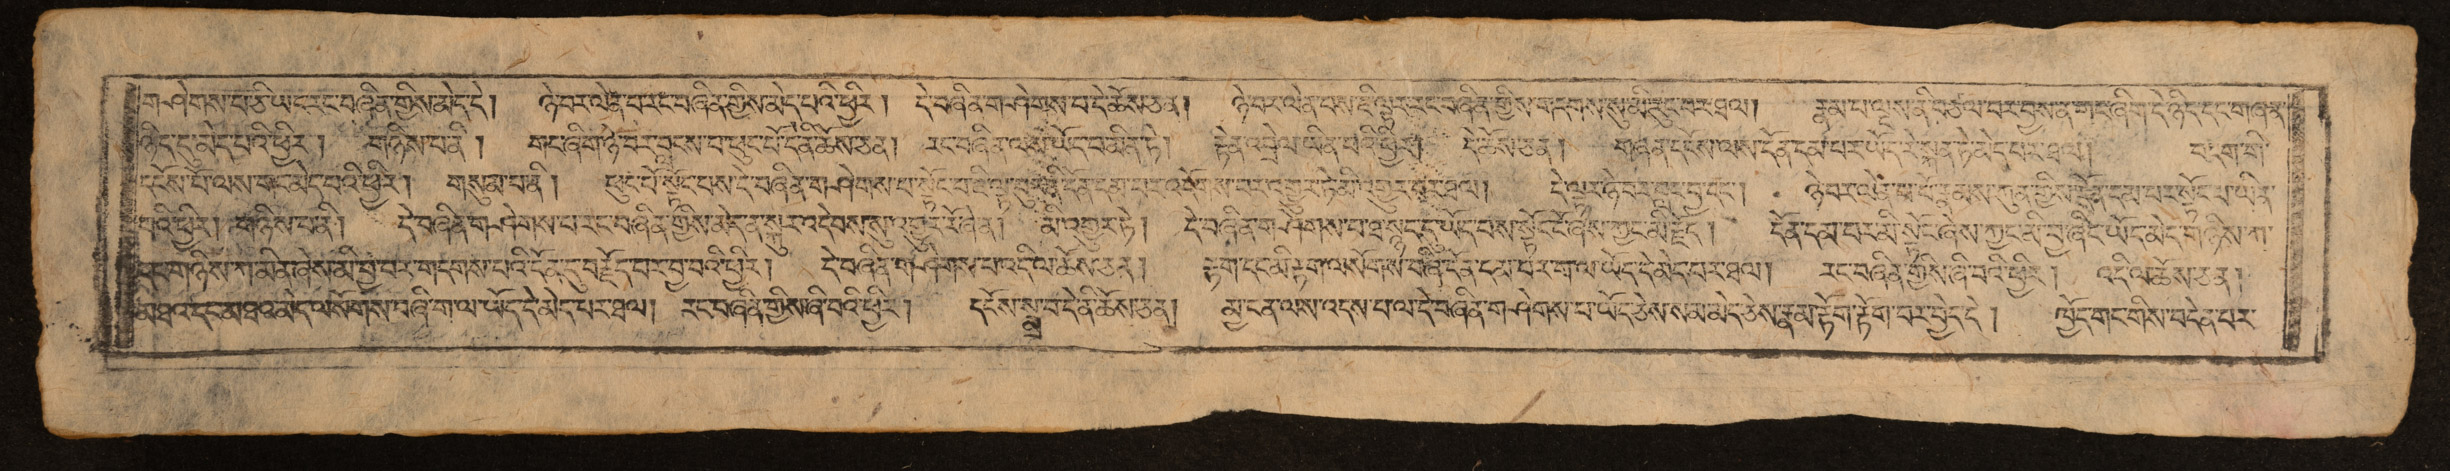གཤེགས་པ་ཅི་ཡང་རང་བཞིན་གྱིས་མེད་དེ། ཉེ་བར་ལེན་པ་རང་བཞིན་གྱིས་མེད་པའི་ཕྱིར། དེ་བཞིན་གཤེགས་པ་དེ་ཆོས་ཅན། ཉེ་བར་ལེན་པས་ཇི་ལྟར་རང་བཞིན་གྱིས་གདགས་སུ་མི་རུང་བར་ཐལ། རྣམ་པ་ལྔས་ནི་བཙལ་བར་བྱས་ན་གང་ཞིག་དེ་ཉིད་གང་ཞིག་དེ་ཉིད་དང་གཞན་
ཉིད་དུ་མེད་པའི་ཕྱིར། གཉིས་པ་ནི། གང་ཞིག་ཉེ་བར་བླངས་པ་ཕུང་པོ་དེ་ནི་ཆོས་ཅན། རང་བཞིན་ལས་ཡོད་པ་མིན་ཏེ། རྟེན་འབྲེལ་ཡིན་པའི་ཕྱིར། དེ་ཆོས་ཅན། གཞན་དངོས་ལས་དོན་དམ་པར་ཡོད་རེ་སྐན་ཏེ་མེད་པར་ཐལ། བདག་གི་
དངོས་པོ་ལས་གང་མེད་པའི་ཕྱིར། གསུམ་པ་ནི། ཕུང་པོ་སྟོང་པས་དེ་བཞིན་གཤེགས་པ་སྟོང་པ་ཇི་ལྟ་བུར་ནི་དོན་དམ་པར་འདོགས་པར་འགྱུར་ཏེ་མི་འགྱུར་བར་ཐལ། དེ་ལྟར་ཉེ་བར་བླང་བྱ་དང་། ཉེ་བར་ལེན་པ་པོ་རྣམས་ཀུན་གྱིས་དོན་དམ་པར་སྟོང་བ་ཡིན་
པའི་ཕྱིར། གཉིས་པ་ནི། དེ་བཞིན་གཤེགས་པ་རང་བཞིན་གྱིས་མེད་ན་སྐུར་འདེབས་སུ་འགྱུར་རོ་ཞེ་ན། མི་འགྱུར་ཏེ། དེ་བཞིན་གཤེགས་པ་ཐ་སྙད་དུ་ཡོད་པས་སྟོང་ངོ་ཞེས་ཀྱང་མི་རྗོད། དོན་དམ་པར་མི་སྟོང་ཞེས་ཀྱང་མི་བྱ་ཞིང་ཡོད་མེད་གཉིས་ཀ་
དང་གཉིས་ཀ་མིན་ཞེས་མི་བྱ་བར་གདགས་པའི་དོན་དུ་བརྗོད་པར་བྱ་བའི་ཕྱིར། དེ་བཞིན་གཤེགས་པ་འདི་ལ་ཆོས་ཅན། རྟག་དང་མི་རྟག་ལ་སོགས་བཞི་དོན་དམ་པར་ག་ལ་ཡོད་དེ་མེད་པར་ཐལ། རང་བཞིན་གྱིས་ཞི་བའི་ཕྱིར། འདི་ལ་ཆོས་ཅན།
མཐའ་དང་མཐའ་མེད་ལ་སོགས་བཞི་ག་ལ་ཡོད་དེ་མེད་པར་ཐལ། རང་བཞིན་གྱིས་ཞི་བའི་ཕྱིར། དངོས་སྨྲ་བ་དེ་ནི་ཆོས་ཅན། མྱ་ངན་ལས་འདས་པ་ལ་དེ་བཞིན་གཤེགས་པ་ཡོད་ཅེས་སམ་མེད་ཅེས་རྣམ་རྟོག་རྟོག་པར་བྱེད་དེ། ཁྱོད་གང་གིས་བདེན་པར་